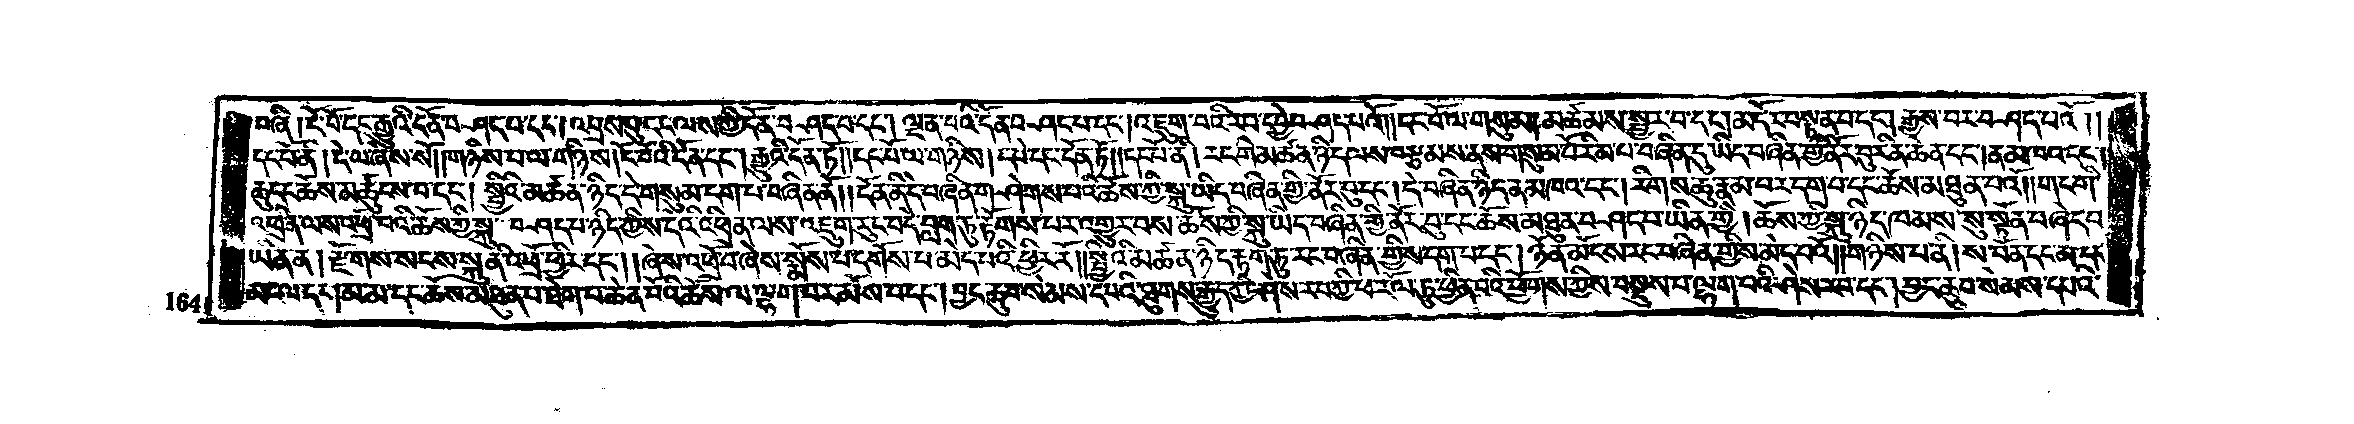བཞི། ངོ་བོ་དང་རྒྱུའི་དོན་བཤད་པ་དང་། འབྲས་བུ་དང་ལས་ཀྱི་དོན་བཤད་པ་དང་། ལྡན་པའི་དོན་བཤད་པ་དང་། འཇུག་པའི་རབ་དབྱེ་བཤད་པའོ། །དང་པོ་ལ་གསུམ། མཚམས་སྦྱར་བ་དང་། མདོར་བསྟན་པ་དང་། རྒྱས་པར་བཤད་པའོ། །
དང་པོ་ནི། དེ་ལ་ཞེས་སོ། །གཉིས་པ་ལ་གཉིས། ངོ་བོའི་དོན་དང་། རྒྱུའི་དོན་ཏོ། །དང་པོ་ལ་གཉིས། དཔེ་དང་དོན་ཏོ། །དང་པོ་ནི། རང་གི་མཚན་ཉིད་ལས་བརྩམས་ནས་གསུམ་པོ་རིམ་པ་བཞིན་དུ་ཡིད་བཞིན་གྱི་ནོར་བུ་རིན་ཆེན་དང་། ནམ་མཁའ་དང་།
ཆུ་དང་ཆོས་མཚུངས་པ་དང་། སྤྱིའི་མཚན་ཉིད་དེ་གསུམ་དག་པ་བཞིན་ནོ། །དོན་ནི་དེ་བཞིན་གཤེགས་པའི་ཆོས་ཀྱི་སྐུ་ཡིད་བཞིན་གྱི་ནོར་བུ་དང་། དེ་བཞིན་ཉིད་ནམ་མཁའ་དང་། རིགས་ཆུ་རྣམ་པར་དག་པ་དང་ཆོས་མཐུན་པའོ། །གང་གི་
འཕྲིན་ལས་འཕྲོ་བའི་ཆོས་ཀྱི་སྐུ་བཤད་པ་ཉིད་ཀྱིས་དེའི་ཕྲིན་ལས་འཇུག་རུང་བདེ་བླག་ཏུ་རྟོགས་པར་འགྱུར་བས་ཆོས་ཀྱི་སྐུ་ཡིད་བཞིན་གྱིས་ནོར་བུ་དང་ཆོས་མཐུན་བཤད་པ་ཡིན་གྱི་།ཆོས་ཀྱི་སྐུ་ཉིད་ཁམས་སུ་སྟོན་པ་བཞེད་པ་
ཡིན་ན། རྫོགས་སངས་རྒྱས་སྐུ་ནི་འཕྲོ་ཕྱིར་དང་། །ཞེས་འཕྲོ་བ་ཞེས་སྨོས་པ་དགོས་པ་མེད་པའི་ཕྱིར་རོ། །སྤྱིའི་མཚན་ཉིད་རྟག་ཏུ་རང་བཞིན་གྱིས་དག་པ་དང་། ཉོན་མོངས་རང་བཞིན་གྱིས་མེད་པའོ། །གཉིས་པ་ནི། ས་བོན་དང་མ་དང་
མངལ་དང་། མ་མ་དང་ཆོས་མཐུན་པ་ཐེག་པ་ཆེན་པོའི་ཆོས་ལ་ལྷག་པར་མོས་པ་དང་། བྱང་ཆུབ་སེམས་དཔའི་ཐུགས་རྒྱུད་ཀྱི་ཤེས་རབ་ཀྱི་ཕ་རོལ་ཏུ་ཕྱིན་པའི་ཕྱོགས་ཀྱིས་བསྡུས་པ་ལྷག་པའི་ཤེས་རབ་དང་། བྱང་ཆུབ་སེམས་དཔའི་